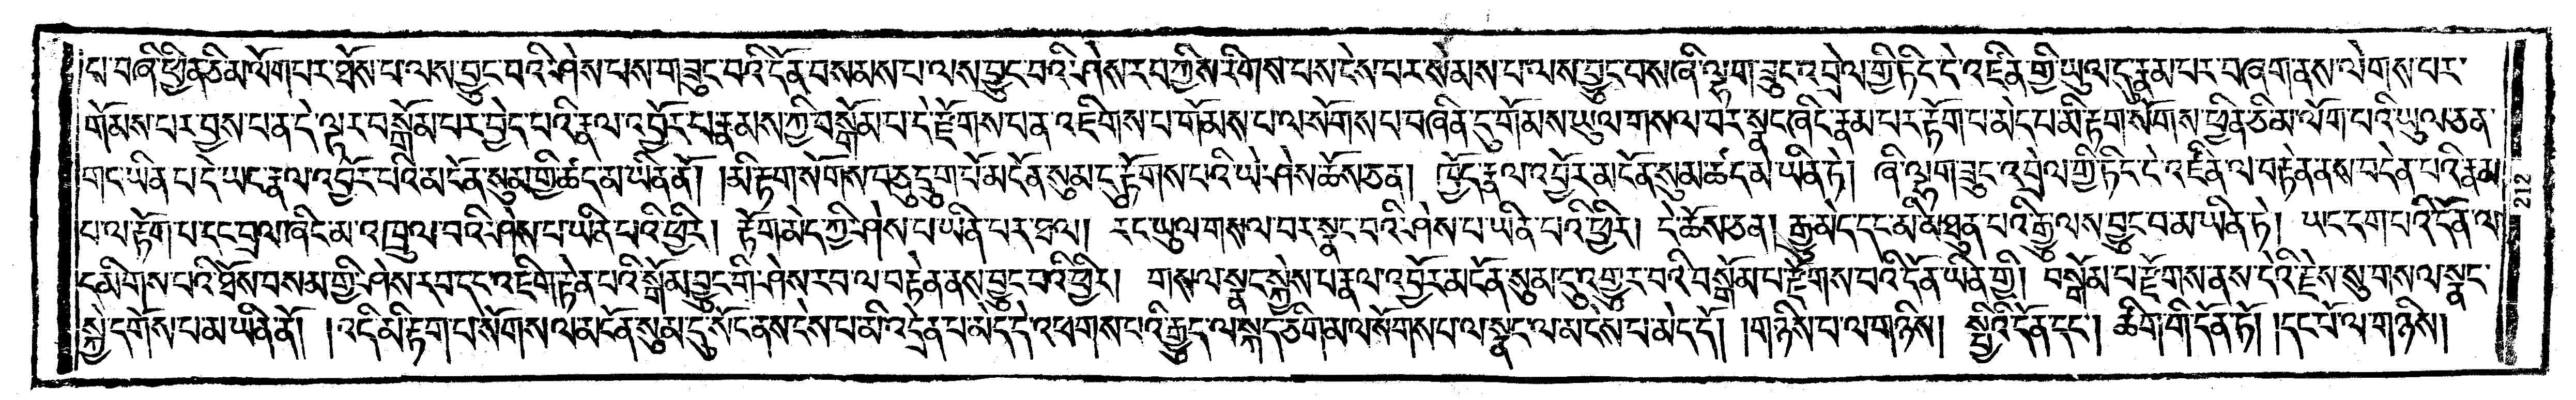པ་བཞི་ཕྱིན་ཅི་མ་ལོག་པར་ཐོས་པ་ལས་བྱུང་བའི་ཤེས་པས་གཟུང་བའི་དོན་བསམས་པ་ལས་བྱུང་བའི་ཤེས་རབ་ཀྱིས་རིགས་པས་ངེས་པར་སེམས་པ་ལས་བྱུང་བས་ཞི་ལྷག་ཟུང་འབྲེལ་གྱི་ཏིང་ངེ་འཛིན་གྱི་ཡུལ་དུ་རྣམ་པར་བཞག་ནས་ལེགས་པར་
གོམས་པར་བྱས་པ་ན་དེ་ལྟར་བསྒོམ་པར་བྱེད་པའི་རྣལ་འབྱོར་པ་རྣམས་ཀྱི་བསྒོམ་པ་དེ་རྫོགས་པ་ན་འཇིགས་པ་གོམས་པ་ལ་སོགས་པ་བཞིན་དུ་གོམས་ཡུལ་གསལ་བར་སྣང་ཞིང་རྣམ་པར་རྟོག་པ་མེད་པ་མི་རྟག་སོགས་ཕྱིན་ཅི་མ་ལོག་པའི་ཡུལ་ཅན་
གང་ཡིན་པ་དེ་ཡང་རྣལ་འབྱོར་པའི་མངོན་སུམ་གྱི་ཚད་མ་ཡིན་ནོ། །མི་རྟག་སོགས་བཅུ་དྲུག་པོ་མངོན་སུམ་དུ་རྟོགས་པའི་ཡེ་ཤེས་ཆོས་ཅན། ཁྱོད་རྣལ་འབྱོར་མངོན་སུམ་ཚད་མ་ཡིན་ཏེ། ཞི་ལྷག་ཟུང་འབྲེལ་གྱི་ཏིང་ངེ་འཛིན་ལ་བརྟེན་ནས་བདེན་པའི་རྣམ་
པ་ལ་རྟོག་པ་དང་བྲལ་ཞིང་མ་འཁྲུལ་བའི་ཤེས་པ་ཡིན་པའི་ཕྱིར། རྟོག་མེད་ཀྱི་ཤེས་པ་ཡིན་པར་ཐལ། རང་ཡུལ་གསལ་བར་སྣང་བའི་ཤེས་པ་ཡིན་པའི་ཕྱིར། དེ་ཆོས་ཅན། རྒྱུ་མེད་དང་མི་མཐུན་པའི་རྒྱུ་ལས་བྱུང་བ་མ་ཡིན་ཏེ། ཡང་དག་པའི་དོན་ལ་
དམིགས་པའི་ཐོས་བསམ་གྱི་ཤེས་རབ་དང་འཇིག་རྟེན་པའི་སྒོམ་བྱུང་གི་ཤེས་རབ་ལ་བརྟེན་ནས་བྱུང་བའི་ཕྱིར། གསལ་སྣང་སྐྱེས་པ་རྣལ་འབྱོར་མངོན་སུམ་དུ་འགྱུར་བའི་བསྒོམ་པ་རྫོགས་པའི་དོན་ཡིན་གྱི། བསྒོམ་པ་རྫོགས་ནས་དེའི་རྗེས་སུ་གསལ་སྣང་
སྐྱེ་དགོས་པ་མ་ཡིན་ནོ། །འདི་མི་རྟག་པ་སོགས་ལ་མངོན་སུམ་དུ་སོང་ནས་ངེས་པ་མི་འདྲེན་པ་མེད་དེ་འཕགས་པའི་རྒྱུད་ལ་སྐད་ཅིག་མ་ལ་སོགས་པ་ལ་སྣང་ལ་མ་ངེས་པ་མེད་དོ། །གཉིས་པ་ལ་གཉིས། སྤྱིའི་དོན་དང་། ཚིག་གི་དོན་ཏོ། །དང་པོ་ལ་གཉིས།